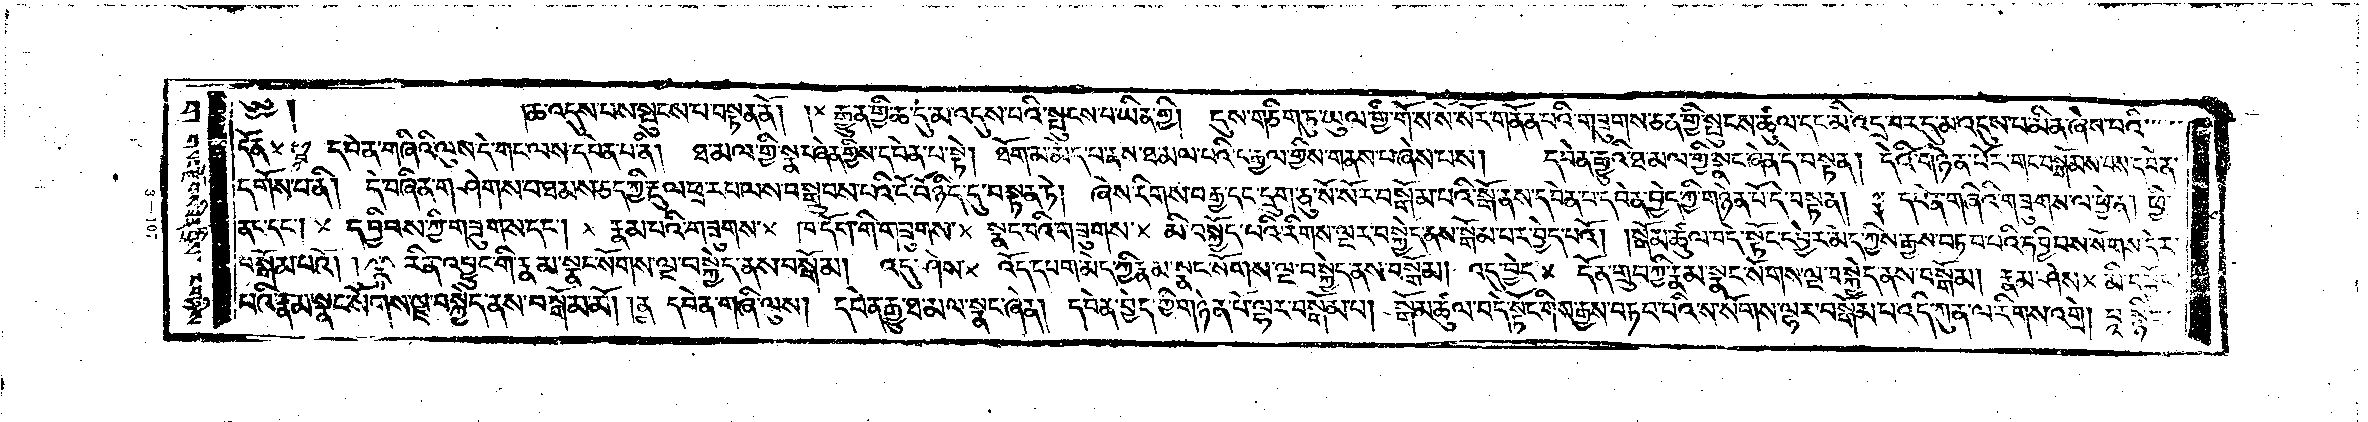༄༅། །ཆ་འདུས་པས་སྤུངས་པ་བསྟན་ནོ། །྾་རྒྱུན་གྱི་ཆ་དུ་མ་འདུས་པའི་སྤུངས་པ་ཡིན་གྱི། དུས་གཅིག་ཏུ་ཡུལ་གྱི་གོ་ས་སོ་སོར་གནོན་པའི་གཟུགས་ཅན་གྱི་སྤུངས་ཚུལ་དང་མི་འདྲ་བར་དུ་མ་དུས་པ་མིན་ཞེས་པའི་
དོན྾ ༩༡་དབེན་གཞིའི་ལུས་དེ་གང་ལས་དབེན་པ་ནི། ཐ་མལ་གྱི་སྣང་ཞེན་གྱིས་དབེན་པ་སྟེ། ཐོག་མ་མེད་པ་ནས་ཐ་མལ་པའི་ང་རྒྱལ་གྱིས་གནས་པ་ཞེས་པས། དབེན་རྒྱུའི་ཐ་མལ་གྱི་སྣང་ཞེན་དེ་བསྟན། དེའི་གཉེན་པོར་གང་བསྒོམས་པས་དབེན་
དགོས་པ་ནི། དེ་བཞིན་གཤེགས་པ་ཐམས་ཅད་ཀྱི་རྡུལ་ཕྲ་རབ་ལས་བསྒྲུབས་པའི་ངོ་བོ་ཉིད་དུ་བསྟན་ཏེ། ཞེས་རིགས་བརྒྱ་དང་དྲུག་ཅུ་སོ་སོར་བསྒོམ་པའི་སྒོ་ནས་དབེན་པ་དབེན་བྱེད་ཀྱི་གཉེན་པོ་དེ་བསྟན། ༈ དབེན་གཞིའི་གཟུགས་ལ་ཕྱེ་ན། ཕྱི་
ནང་དང་། ྾་དབྱིབས་ཀྱི་གཟུགས་དང་། ྾་རྣམ་པའི་གཟུགས྾་ཁ་དོག་གི་གཟུགས྾་སྣང་བའི་གཟུགས྾་མི་བསྐྱོད་པའི་རིགས་ལྔར་བསྐྱེད་ནས་སྒོམ་པར་བྱེད་པའོ། །སྒོམ་ཚུལ་བདེ་སྟོང་དབྱེར་མེད་ཀྱིས་རྒྱས་བཏབ་པའི་དབྱིབས་སོགས་དེར་
བསྒོམ་པའོ། །༩༢་རིན་འབྱུང་གི་རྣམ་སྣང་སོགས་ལྔ་བསྐྱེད་ནས་བསྒོམ། འདུ་ཤེས྾་འོད་དཔག་མེད་ཀྱི་རྣམ་སྣང་སོགས་ལྔ་བསྐྱེད་ནས་བསྒོམ། འདུ་བྱེད྾་དོན་གྲུབ་ཀྱི་རྣམ་སྣང་སོགས་ལྔ་བསྐྱེད་ནས་བསྒོམ། རྣམ་ཤེས྾་མི་བསྐྱོད་
པའི་རྣམ་སྣང་སོགས་ལ་བསྐྱེད་ནས་བསྒོམ་མོ། །ན་དབེན་གཞི་ལུས། དབེན་རྒྱུ་ཐ་མལ་སྣང་ཞེན། དབེན་བྱེད་ཀྱི་གཉེན་པོ་ལྷར་བསྒོམ་པ། སྒོམ་ཚུལ་བདེ་སྟོང་གིས་རྒྱས་བཏབ་པའི་ས་སོགས་ལྷར་བསྒོམ་པ་འདི་ཀུན་ལ་རིགས་འགྲེ། བ༢་སྙིང་